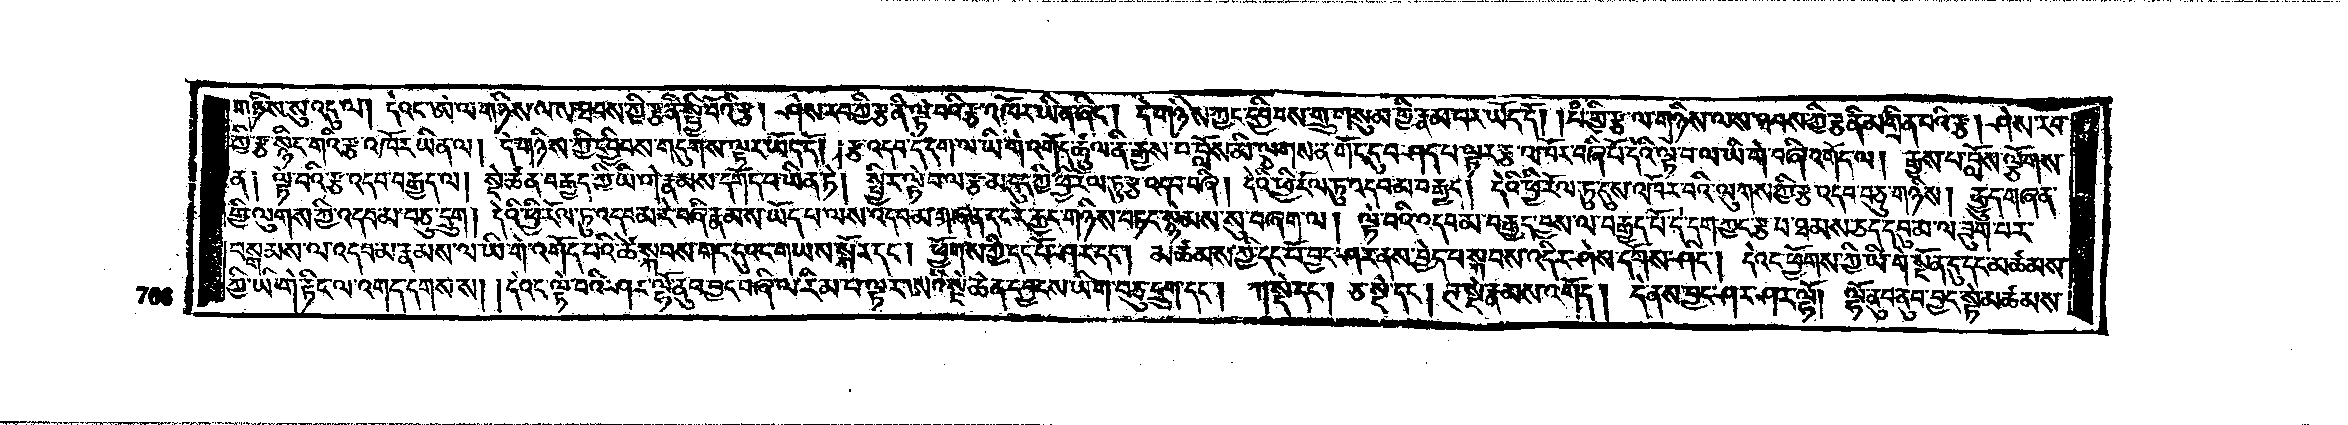གཉིས་སུ་འདུ་ལ། དེའང་ཨེ་ལ་གཉིས་ལས་ཐབས་ཀྱི་རྩ་ནི་སྤྱི་བོའི་རྩ། ཤེས་རབ་ཀྱི་རྩ་ནི་ལྟེ་བའི་རྩ་འཁོར་ཡིན་ཞིང་། དེ་གཉིས་ཀྱང་དབྱིབས་གྲུ་གསུམ་གྱི་རྣམ་པར་ཡོད་དོ། །པཾ་གྱི་རྩ་ལ་གཉིས་ལས་ཐབས་ཀྱི་རྩ་ནི་མགྲིན་པའི་རྩ། ཤེས་རབ་
ཀྱི་རྩ་སྙིང་གའི་རྩ་འཁོར་ཡིན་ལ། དེ་གཉིས་ཀྱི་དབྱིབས་གདུགས་ལྟར་ཡོད་དོ། །རྩ་འདབ་དེ་དག་ལ་ཡི་གེ་འགོད་ཚུལ་ནི་རྒྱས་པ་བློས་མི་ལྕགས་ན་གོང་དུ་བཤད་པ་ལྟར་རྩ་འཁོར་བཞི་པོ་དེའི་ལྟེ་བ་ལ་ཡི་གེ་བཞི་འགོད་ལ། རྒྱས་པ་བློས་ལྕོགས་
ན། ལྟེ་བའི་རྩ་འདབ་བརྒྱད་ལ། སྡེ་ཚན་བརྒྱད་ཀྱི་ཡི་གེ་རྣམས་དགོད་པ་ཡིན་ཏེ། སྤྱིར་ལྟེ་བ་ལ་རྩ་མདུད་ཀྱི་ཕྱི་རོལ་ཏུ་རྩ་འདབ་བཞི། དེའི་ཕྱི་རོལ་ཏུ་འདབ་མ་བརྒྱད། དེའི་ཕྱི་རོལ་ཏུ་དུས་འཁོར་བའི་ལུགས་ཀྱི་རྩ་འདབ་བཅུ་གཉིས། རྒྱུད་གཞན་
གྱི་ལུགས་ཀྱི་འདབ་མ་བཅུ་དྲུག །དེའི་ཕྱི་རོལ་ཏུ་འདབ་མ་རེ་བཞི་རྣམས་ཡོད་པ་ལས་འདབ་མ་གཞན་དང་རེ་རྐྱང་གཉིས་བཏང་སྙེམས་སུ་བཞག་ལ། ལྟེ་བའི་འདབ་མ་བརྒྱད་བྱས་ལ་བརྒྱད་པོ་དེ་དག་ཀྱང་རྩ་བ་ཐམས་ཅད་དབུ་མ་ལ་ཟུག་པར་
བསྒམས་ལ་འདབ་མ་རྣམས་ལ་ཡི་གེ་འགོད་པའི་ཚེ་སྐབས་གང་དུའང་གཡས་སྐོར་དང་། ཕྱོགས་ཀྱི་དང་པོ་ཤར་དང་། མཚམས་ཀྱི་དང་པོ་བྱང་ཤར་ནས་བྱེད་པ་སྐབས་འདིར་ཤེས་དགོས་ཤིང་། དེའང་ཕྱོགས་ཀྱི་ཡི་གེ་སྔོན་དུ་དང་མཚམས་
ཀྱི་ཡི་གེ་རྟིང་ལ་འགད་དགས་ས། །དེའང་ལྟེ་བའི་ཤར་ལྷོ་ནུབ་བྱང་བཞི་ལ་རིམ་པ་ལྟར་ཨཱི་སྡེ་ཆེན་དབྱངས་ཡིག་བཅུ་དྲུག་དང་། ཀ་སྡེ་དང་། ཙ་སྡེ་དང་། ཊ་སྡེ་རྣམས་འགོད། དེ་ནས་བྱང་ཤར་ཤར་ལྷོ། ལྷོ་ནུབ་ནུབ་བྱང་སྟེ་མཚམས་